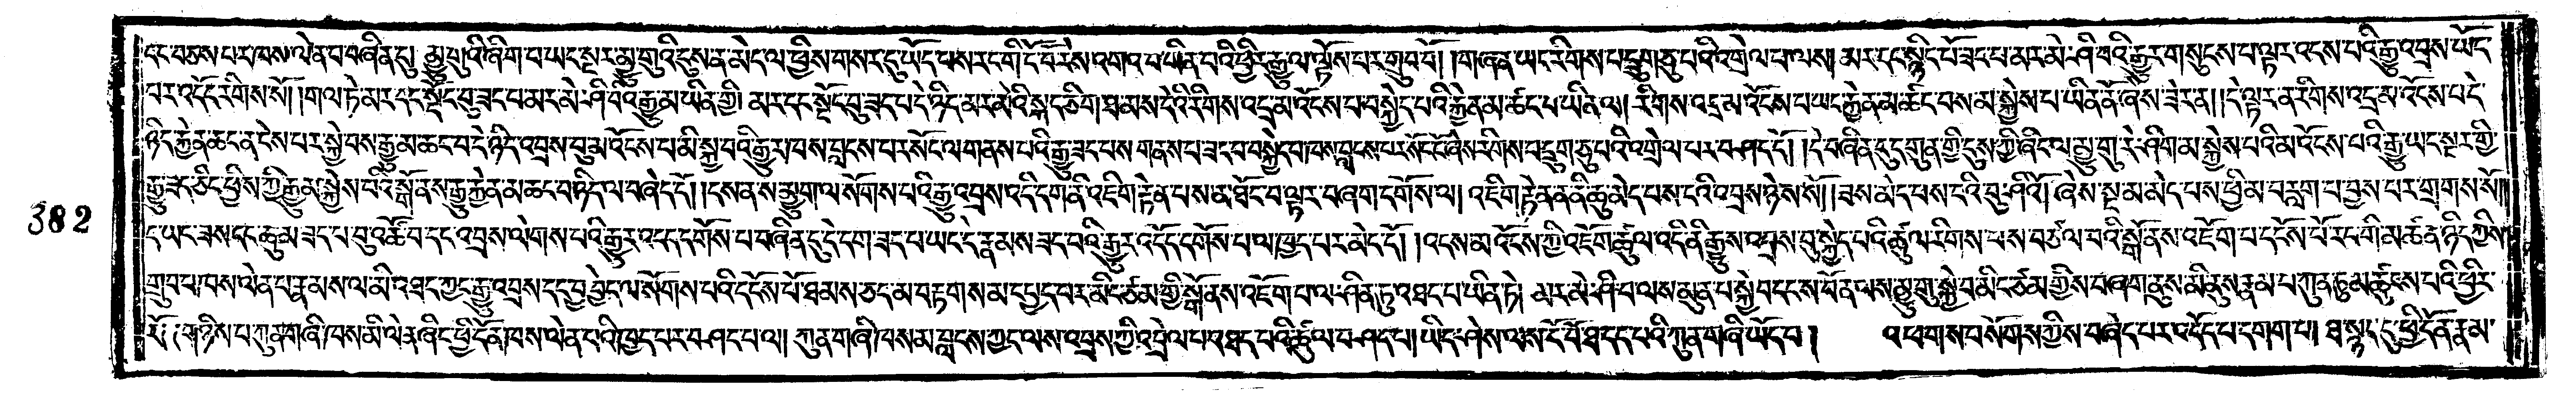དང་བཅས་པར་ཁས་ལེན་པ་བཞིན་དུ། མྱུ་གུའི་ཞིག་པ་ཡང་སྔར་མྱུ་གུའི་དུས་ན་མེད་ལ་ཕྱིས་གསར་དུ་ཡོད་པས་རང་གི་ངོ་བོ་རེས་འགའ་བ་ཡིན་པའི་ཕྱིར་རྒྱུ་ལ་ལྟོས་པར་གྲུབ་བོ། །གཞན་ཡང་རིགས་པ་དྲུག་ཅུ་པའི་འགྲེལ་པ་ལས། མར་དང་སྙིང་པོ་ཟད་པ་མར་མེ་ཤི་བའི་རྒྱུར་གསུངས་པ་ལྟར་འདས་པའི་རྒྱུ་འབྲས་ཡོད་
པར་འདོད་རིགས་སོ། །གལ་ཏེ་མར་དང་སྡོང་བུ་ཟད་བ་མར་མེ་ཤི་བའི་རྒྱུ་མ་ཡིན་གྱི། མར་དང་སྡོང་བུ་ཟད་པ་དེ་ཉིད་མར་མེའི་སྐད་ཅིག་ཐ་མས་དེའི་རིགས་འདྲ་མ་འོངས་པ་བསྐྱེད་པའི་རྐྱེན་མ་ཚང་བ་ཡིན་ལ། རིགས་འདྲ་མ་འོངས་པ་ཡང་རྐྱེན་མ་ཚང་བས་མ་སྐྱེས་པ་ཡིན་ནོ་ཞེས་ཟེར་ན། །དེ་ལྟར་ན་རིགས་འདྲ་མ་འོངས་པ་དེ་
ཉིད་རྐྱེན་ཆང་ན་ངེས་པར་སྐྱེ་བས་རྒྱུ་མ་ཆང་བ་དེ་ཉིད་འབྲས་བུ་མ་འོངས་པ་མི་སྐྱ་བའི་རྒྱུར་ཁས་བླངས་པར་སོང་ལ་གནས་པའི་རྒྱུ་ཟད་པས་གནས་པ་ཟད་པ་བསྐྱེད་བ་ཁས་བླངས་པར་སོང་ངོ་ཞེས་རིགས་པ་དྲུག་ཅུ་པའི་འགྲེལ་པར་བཤད་དོ། །དེ་བཞིན་དུ་དགུན་གྱི་དུས་ཀྱི་ཞིང་ལ་མྱུ་གུ་རེ་ཤིག་མ་སྐྱེས་པའི་མ་འོངས་པའི་རྒྱུ་ཡང་སྔར་གྱི་
རྒྱུ་ཟད་ཅིང་ཕྱིས་ཀྱི་རྒྱུ་མ་སྐྱེས་པའི་སྒོ་ནས་རྒྱུ་རྐྱེན་མ་ཆང་བ་ཉིད་ལ་བཞེད་དོ། །དས་ན་ས་མྱུག་ལ་སོགས་པའི་རྒྱུ་འབྲས་འདི་དག་ནི་འཇིག་རྟེན་པས་མཐོང་བ་ལྟར་བཞག་དགོས་ལ། འཇིག་རྟེན་ན་ནི་ཆུ་མེད་པས་ངའི་འབྲས་ཉེས་སོ། །ཟས་མེད་པས་བའི་བུ་ཤིའོ། ཞེས་སྔ་མ་མེད་པས་ཕྱི་མ་བརླག་པ་བྱས་པར་གྲགས་སོ།
དེ་ཡང་ཟས་དང་ཆུ་མ་ཟད་པ་བུ་འཚོ་བ་དང་འབྲས་ལེགས་པའི་རྒྱུར་འདད་དགོས་པ་བཞིན་དུ་དེ་དག་ཟད་པ་ཡང་དེ་རྣམས་ཟད་པའི་རྒྱུར་འདོད་དགོས་པ་ལ་ཁྱད་པར་མེད་དོ། །འདས་མ་འོངས་ཀྱི་འཇོག་ཚུལ་འདི་ནི་རྒྱུས་འབྲས་བུ་སྐྱེད་པའི་ཚུལ་རིགས་པས་བཙལ་བའི་སྒོ་ནས་འཇོག་བ་དངོས་པོ་རང་གི་མཚན་ཉིད་ཀྱིས་
གྲུབ་པ་ཁས་ལེན་པ་རྣམས་ལ་མི་འཐད་ཀྱང་རྒྱུ་འབྲས་དང་བྱ་བྱེད་ལ་སོགས་པའི་དངོས་པོ་ཐམས་ཅད་མ་བརྟགས་མ་དཔྱད་བར་མིང་ཙམ་གྱི་སྒོ་ནས་འཇོག་པ་ལ་ཤིན་ཏུ་འཐད་པ་ཡིན་ཏེ། མར་མེ་ཤི་བ་ལས་མུན་པ་སྐྱེ་བ་དང་ས་བོན་ལས་མྱུ་གུ་སྐྱེ་བ་མིང་ཙམ་གྱིས་བཞག་ནུས་མི་ནུས་རྣམ་པ་ཀུན་ཏུ་མཚུངས་པའི་ཕྱིར་
རོ༑ ༑གཉིས་པ་ཀུན་གཞི་ཁས་མི་ལེན་ཞིང་ཕྱི་དོན་ཁས་ལེན་པའི་ཁྱད་པར་བཤད་པ་ལ། ཀུན་གཞི་ཁས་མ་བླངས་ཀྱང་ལས་འབྲས་ཀྱི་འབྲེལ་པ་འཐད་པའི་ཚུལ་བཤད་པ། ཡིད་ཤེས་ལས་ངོ་བོ་ཐ་དད་པའི་ཀུན་གཞི་ཡོད་པ། འཕགས་པ་སོགས་ཀྱིས་བཞེད་པར་འདོད་པ་དགག་པ། ཐ་སྙད་དུ་ཕྱི་དོན་རྣམ་